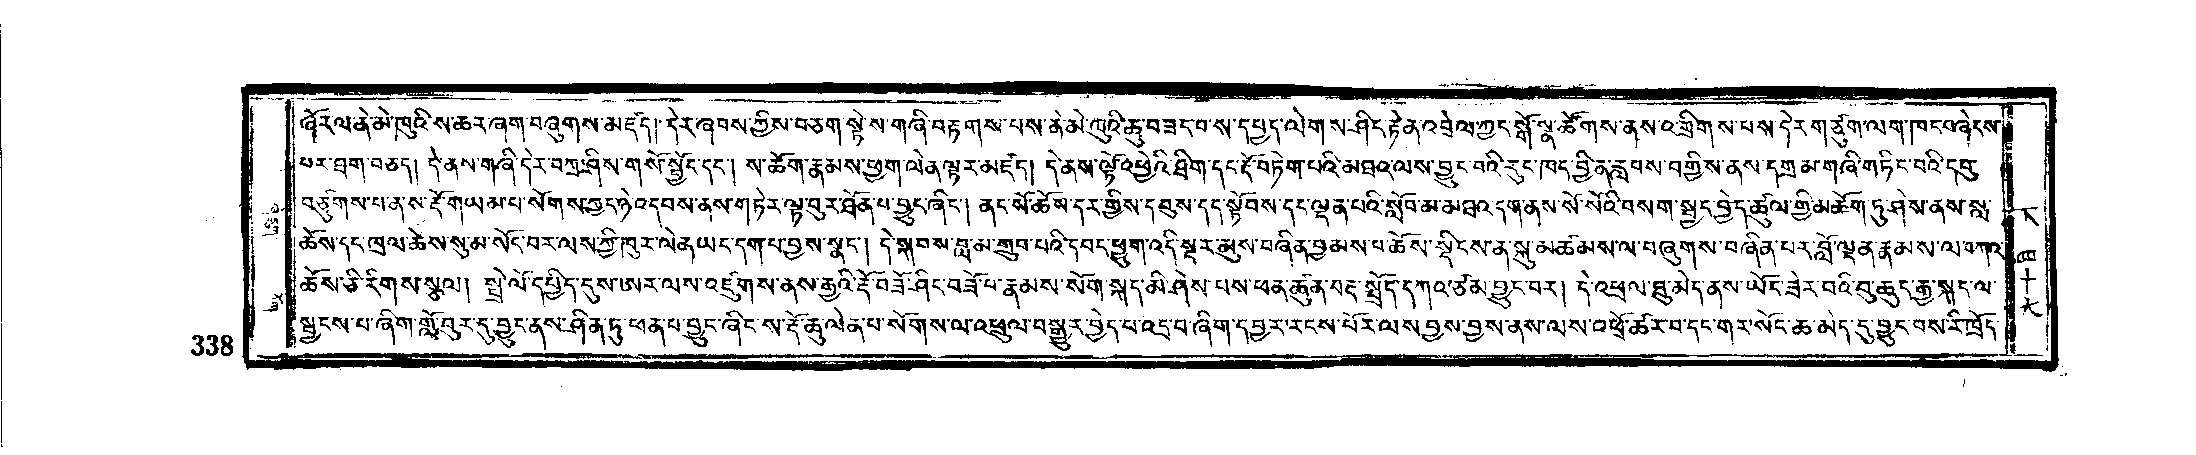ཞོར་ལ་ནེ་མེ་ཁུའི་ས་ཆར་ཞག་བཞུགས་མཛད། དེར་ཞབས་ཀྱིས་བཅག་སྟེ་ས་གཞི་བརྟགས་པས་ནེ་མེ་ཁུའི་ཆུ་བཟང་བ་ས་དཔྱད་ལེགས་ཤིང་རྟེན་འབྲེལ་ཀྱང་སྒོ་སྣ་ཚོགས་ནས་འགྲིགས་པས་དེར་གཙུག་ལག་ཁང་བཞེངས་
པར་ཐག་བཅད། དེ་ནས་གཞི་དེར་བཀྲ་ཤིས་གསོ་སྦྱོང་དང་། ས་ཆོག་རྣམས་ཕྱག་ལེན་ལྟར་མཛད། དེ་ནས་ལྟོ་འཕྱེའི་ཐིག་དང་རྡོ་བཏེག་པའི་མཐའ་ལས་བྱུང་བའི་རུང་ཁད་བྱིན་རླབས་བགྱིས་ནས་དགྲམ་གཞི་གཏིང་བའི་དབུ་
བཙུགས་པ་ན་ས་རྡོ་གཡམ་པ་སོགས་ཀྱང་ཉེ་འདབས་ནས་གཏེར་ལྟ་བུར་ཐོན་པ་བྱུང་ཞིང་། ནང་སོ་ཆོས་དར་གྱིས་དབུས་དད་སྟོབས་དང་ལྡན་པའི་སློབ་མ་མཐའ་དག་ནས་སོ་སོའི་བསག་སྦྱང་བྱེད་ཚུལ་གྱི་མཆོག་ཏུ་ཤེས་ནས་སླ་
ཆོས་དང་ཁྲལ་ཆེས་སུ་མ་སོང་བར་ལས་ཀྱི་ཁུར་ལེན་ཡང་དག་པ་བྱས་སྣང་། དེ་སྐབས་བླ་མ་གྲུབ་པའི་དབང་ཕྱུག་འདི་སྔར་མུས་བཞིན་བྱམས་པ་ཆོས་སྡིངས་ན་སྐུ་མཚམས་ལ་བཞུགས་བཞིན་པར་བློ་ལྡན་རྣམས་ལ་བཀའ་
ཆོས་ཅི་རིགས་སྩལ། སྤྲེ་ལོ་དཔྱིད་དུས་ཨར་ལས་འཛུགས་ནས་རྒྱའི་རྡོ་བཟོ་ཤིང་བཟོ་པ་རྣམས་སོག་སྐད་མི་ཤེས་པས་ཕན་ཚུན་བརྡ་སྤྲོད་དཀའ་ཙམ་བྱུང་བར། དེ་འཕྲལ་ཐུ་མེད་ནས་ཡོང་ཟེར་བའི་བུ་ཆུད་རྒྱ་སྐད་ལ་
སྦྱངས་པ་ཞིག་གློ་བུར་དུ་བྱུང་ནས་ཤིན་ཏུ་ཕན་པ་བྱུང་ཞིང་ས་རྡོ་ཆུ་ལེན་པ་སོགས་ལ་འཕྲུལ་བསྒྱུར་བྱེད་པ་འདྲ་བ་ཞིག་དབྱར་རངས་པོར་ལས་བྱས་བྱས་ནས་ལས་འཕྲོ་ཚར་བ་དང་གར་སོང་ཆ་མེད་དུ་བྱུང་བས་རི་ཁྲོད་